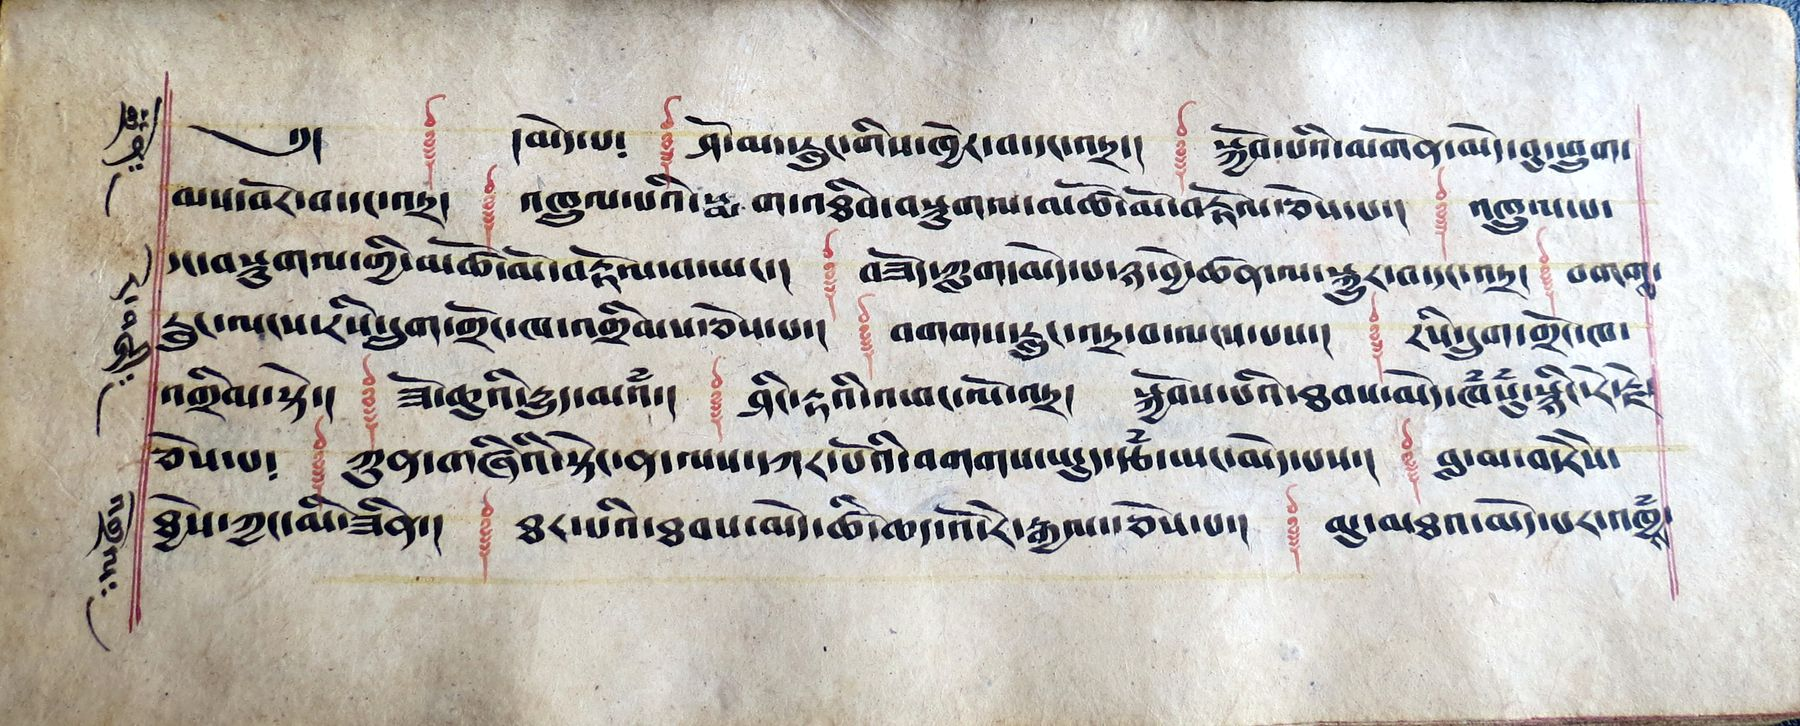མེད་པ། ཤ་མེད་རླུང་གིས་ཁྱེར་བ་དང་འདྲ། སྐྱོབ་པའི་མགོན་མེད་བུ་ཕྲུག་
མས་བོར་བ་དང་འདྲ། འཁྲུལ་བའི་སྨག་འཐིབས་སྡུག་བསྔལ་མཚོ་མོ་བརྡོལ། །ཞེས་པས། འཁྲུལ་པ་
དང་སྡུག་བསྔལ་གྱི་མཚོ་མོ་བརྡོལ་བ་ཡང་། བཟོད་ཀླག་མེད་པ་ཉ་བྱེ་ཚན་ལ་བསྐྱུར་བ་དང་འདྲ། བག་ཆགས་
རླུང་ལངས་རིགས་དྲུག་གྲོང་ཁ་འགྲིམས། །ཞེས་པས། བག་ཆགས་རླུང་དང་འདྲ་བ་ལངས་པས། རིགས་དྲུག་གྲོང་ཁ་
འགྲིམས་ཏེ། ཟོ་ཆུའི་རྒྱུད་མའམ། ཤིང་རྟའི་འཕང་ལོ་དང་འདྲ། སྐྱོབ་པའི་ཐབས་མེད་ཁམས་གསུམ་སྙིང་རེ་རྗེ། 
།ཞེས་པས། ཀུན་གཞིའི་སྟེང་ན་ལས་དཀར་པོའི་བག་ཆགས་ཡུད་ཙམ་ཡང་མེད་པས། བླ་མ་བདེར་
གཤེགས་ཀྱི་ཐུགས་རྗེས་ཀྱང་མི་ཟིན། ཐར་པའི་ཐབས་མེད་ཚི་ཆད་འོ་རེ་བརྒྱལ། །ཞེས་པས། མུ་མཐའ་མེད་པར་༼འཁོར་བར༽འཁྱམས་